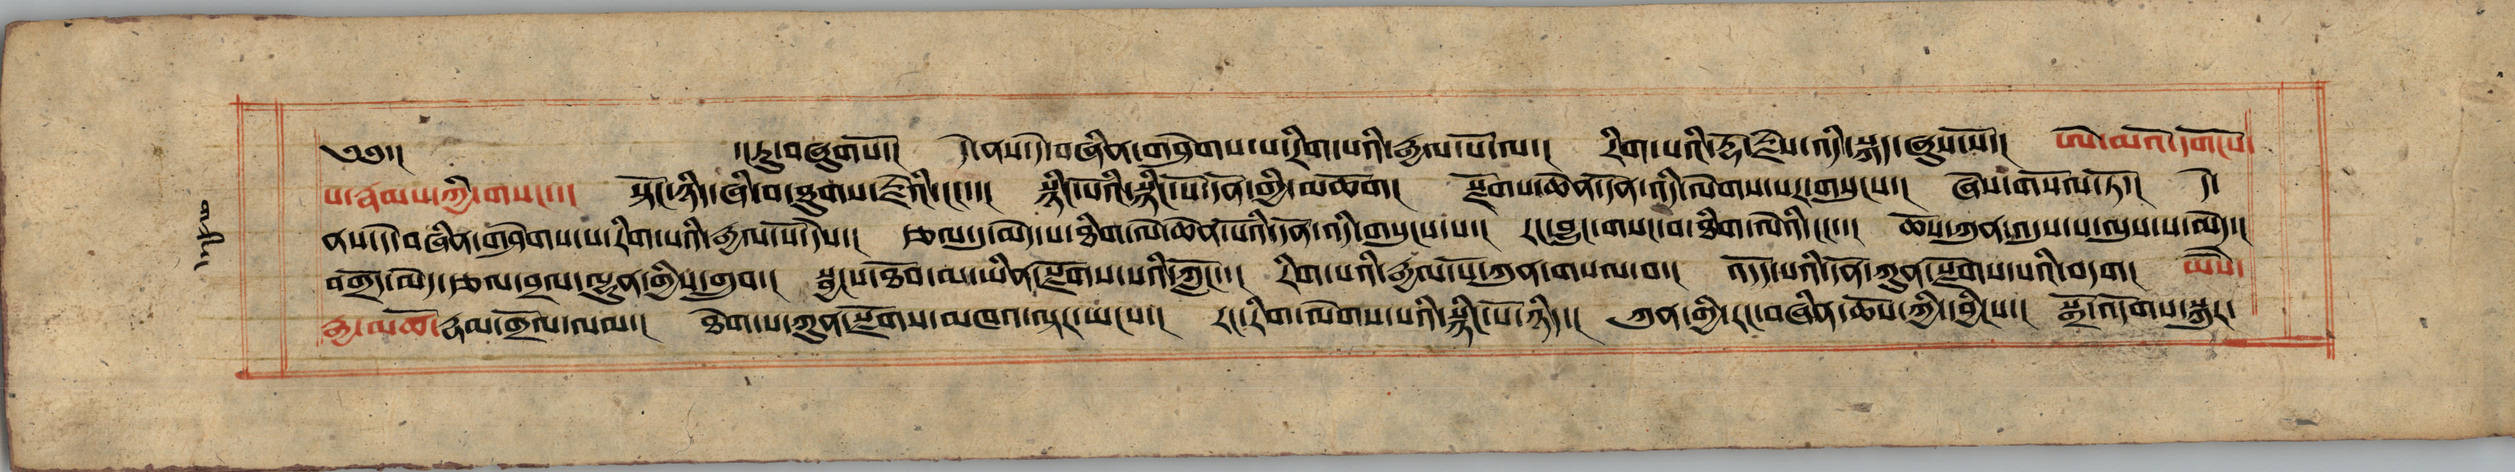༄༅་། ་།ཏུ་བཞུགསོ་། དེ་ནས་དེ་བཞིན་གཤེགས་པ་རིག་པའི་རྒྱལ་པོ་ལ་། རིག་པའི་རྡོ་རྗེས་འདི་སྐད་ཞུས་སོ་། ཨེ་མའོ་དགོངས་
པ་རྣམས་ཀྱི་གསང་་། སྟོང་ཉིད་ཞི་བ་ཐུགས་རྗེའི་ངང་་། སྙིང་པོའི་སྙིང་པོ་དོན་གྱི་མཆོག། སྫོགས་ཆེན་དོན་འདི་ལེགས་པར་གསུངས་། ཞེས་གསོལ་ཏོ་། དེ་
ནས་དེ་བཞིན་གཤེགས་པ་རིག་པའི་རྒྱལ་པོ་དེས་། རྩལ་དུ་མེད་པ་ཐིག་ལེ་ཆེན་པོའི་དོན་འདི་གསུངས་པ་། རང་བྱུང་གསང་བ་ཐིག་ལེའི་ངང་་། ཆོས་ཀུན་འདུས་པ་ལུས་པ་མེད་།
བགྲོད་མེད་རྩལ་བྲལ་ལྷུན་གྱིས་གྲུབ་། སྦྱངས་ཐོབ་མ་ཡིན་སྫོགས་པའི་ཀློང་་། རིག་པའི་རྒྱལ་པོ་ཀུན་གསལ་བ་། འདོད་པའི་དོན་ཀུན་སྫོགས་པའི་བདག། ཡཻས་
རྒྱ་མཚོ་རྣམ་གྲོལ་ལམ་། ཐེག་པ་ཀུན་སྫོགས་མཁའ་ལྟར་ཡངས་། རང་རིག་ལེགས་པའི་སྙིང་པོ་ཉིད་། ཀུན་གྱི་རང་བཞིན་ཆོས་ཀྱི་དབྱིངས་། སྒྲོ་འདོགས་སྐུར་